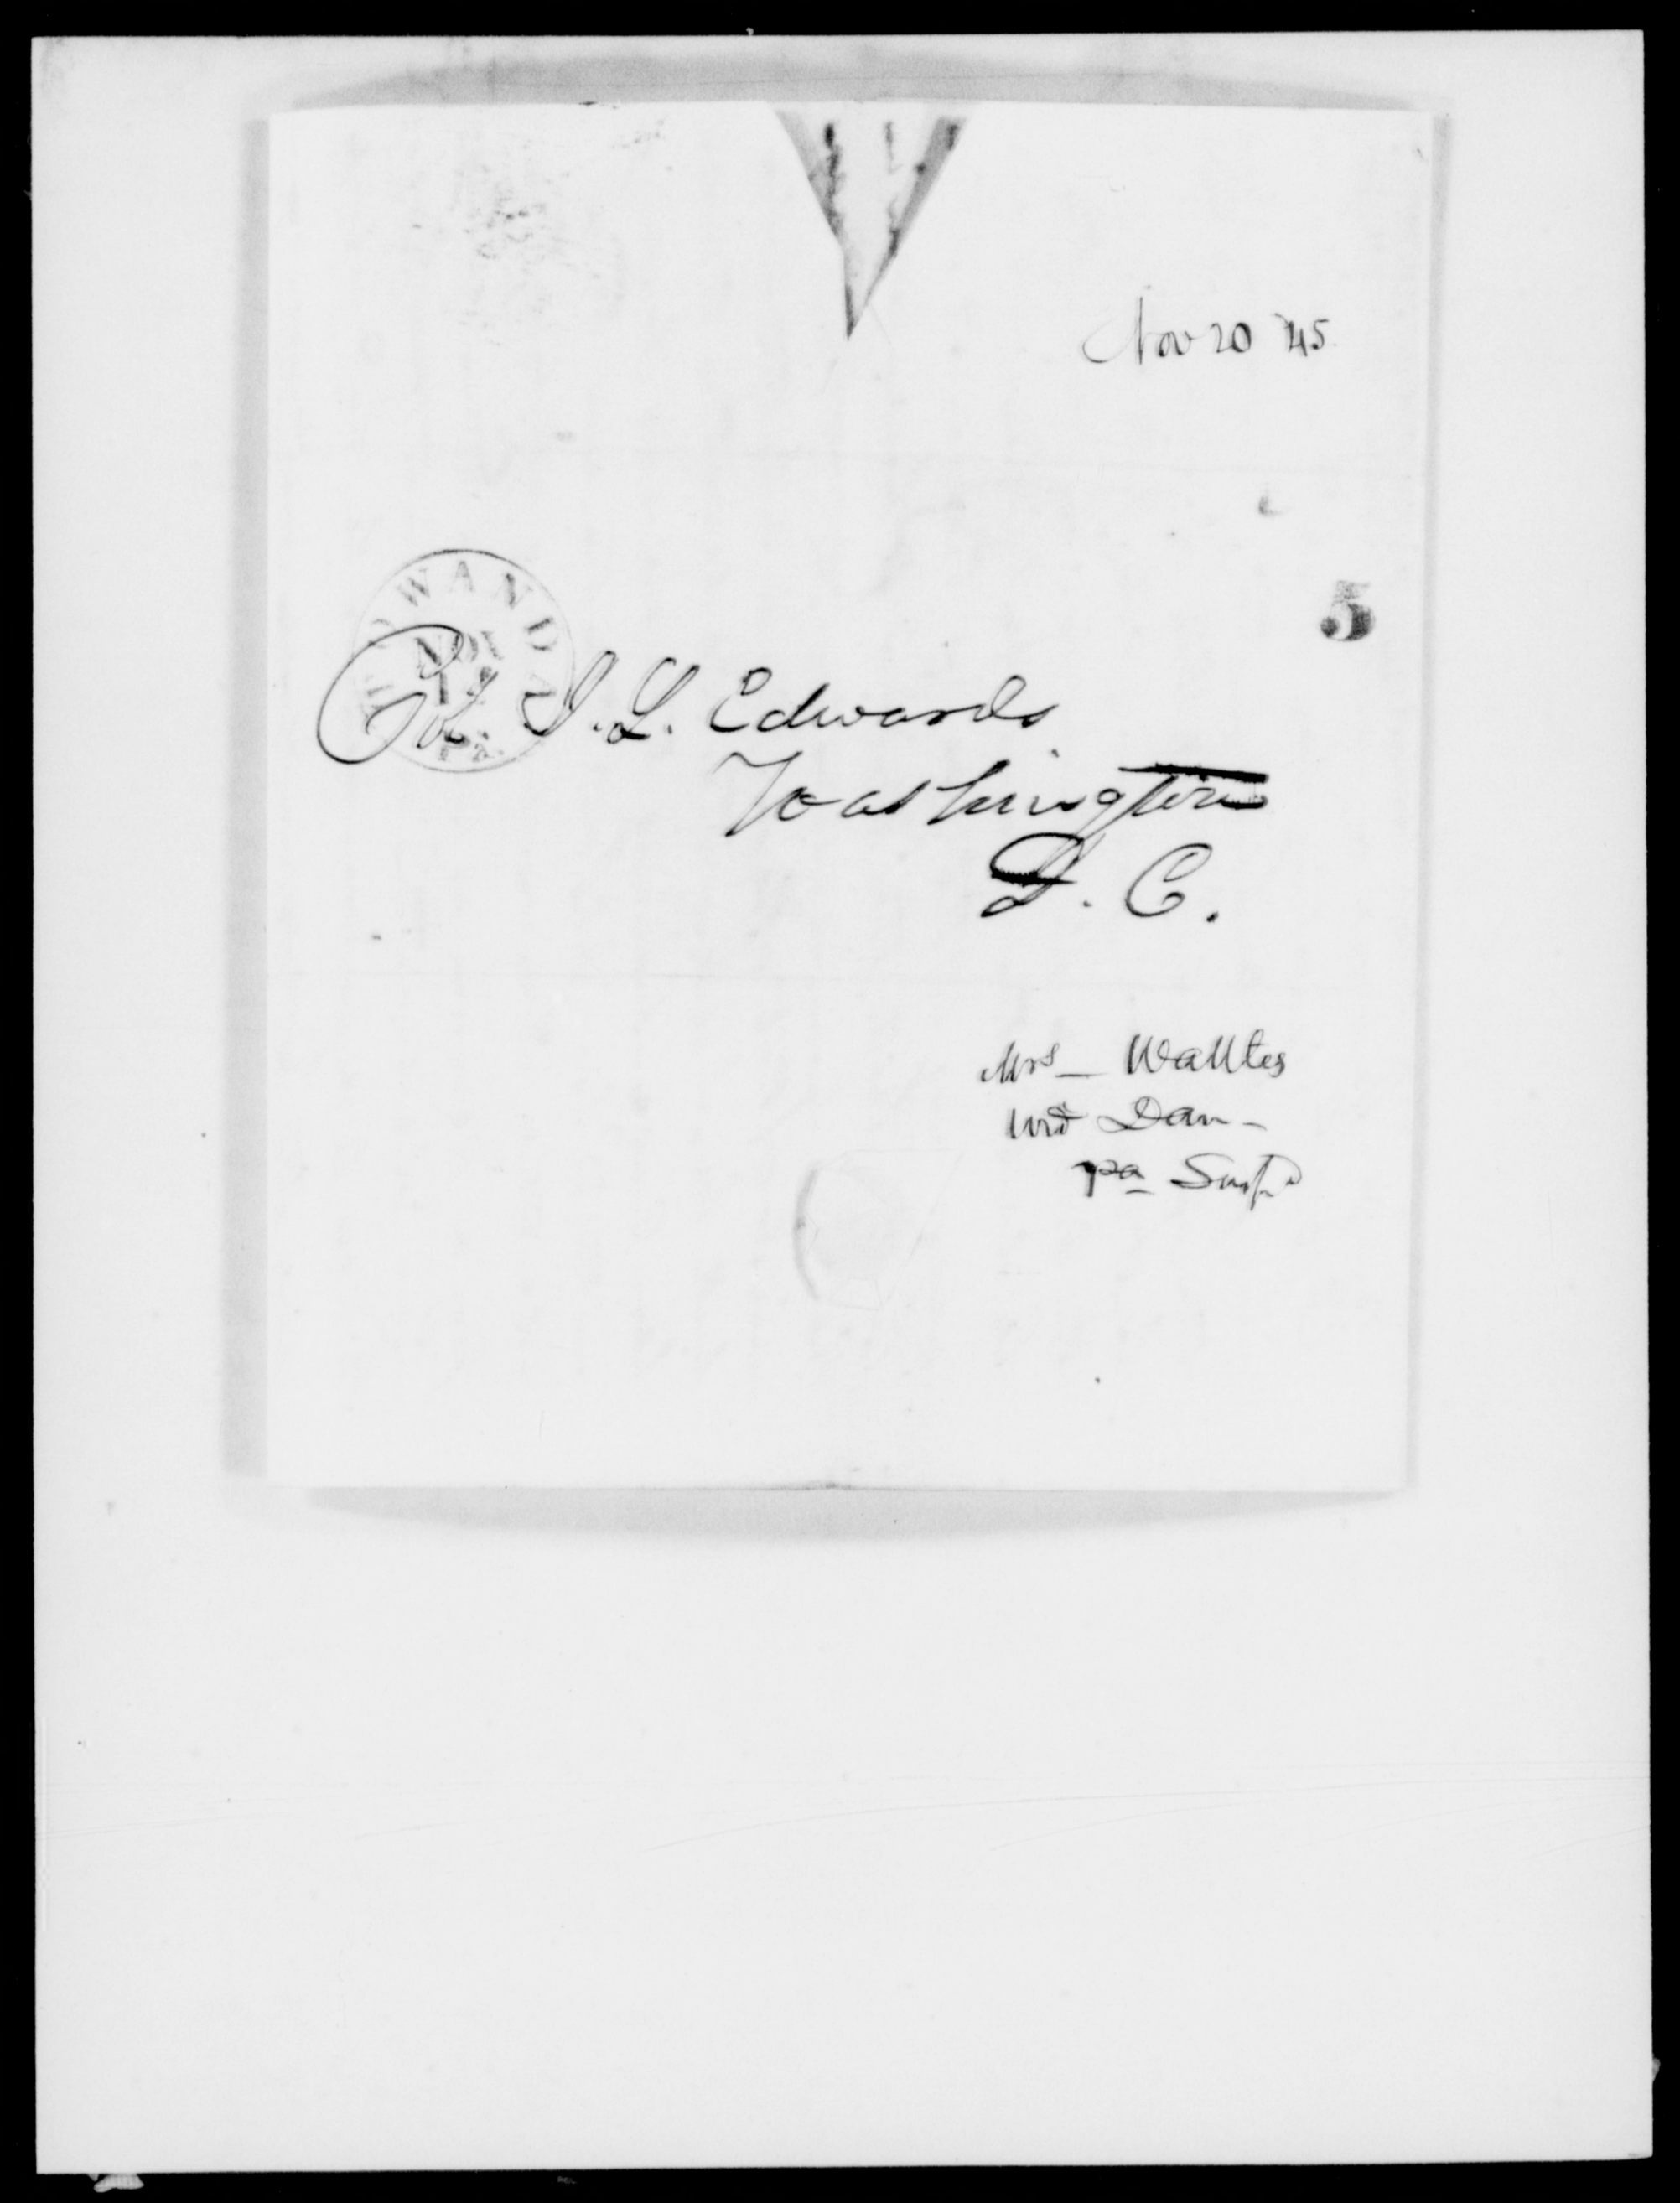Nov 20 '45

5

TOWANDA
NOV
18
PA

Col.  J. L. Edwards
Washington
D. C.

Mrs. ___Wattles
wd. Dan -
pa  [   ]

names: Wattles, Dan, J L Edwards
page: 47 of 70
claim: widow's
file: W. 3743, Dan Wattles, Conn.